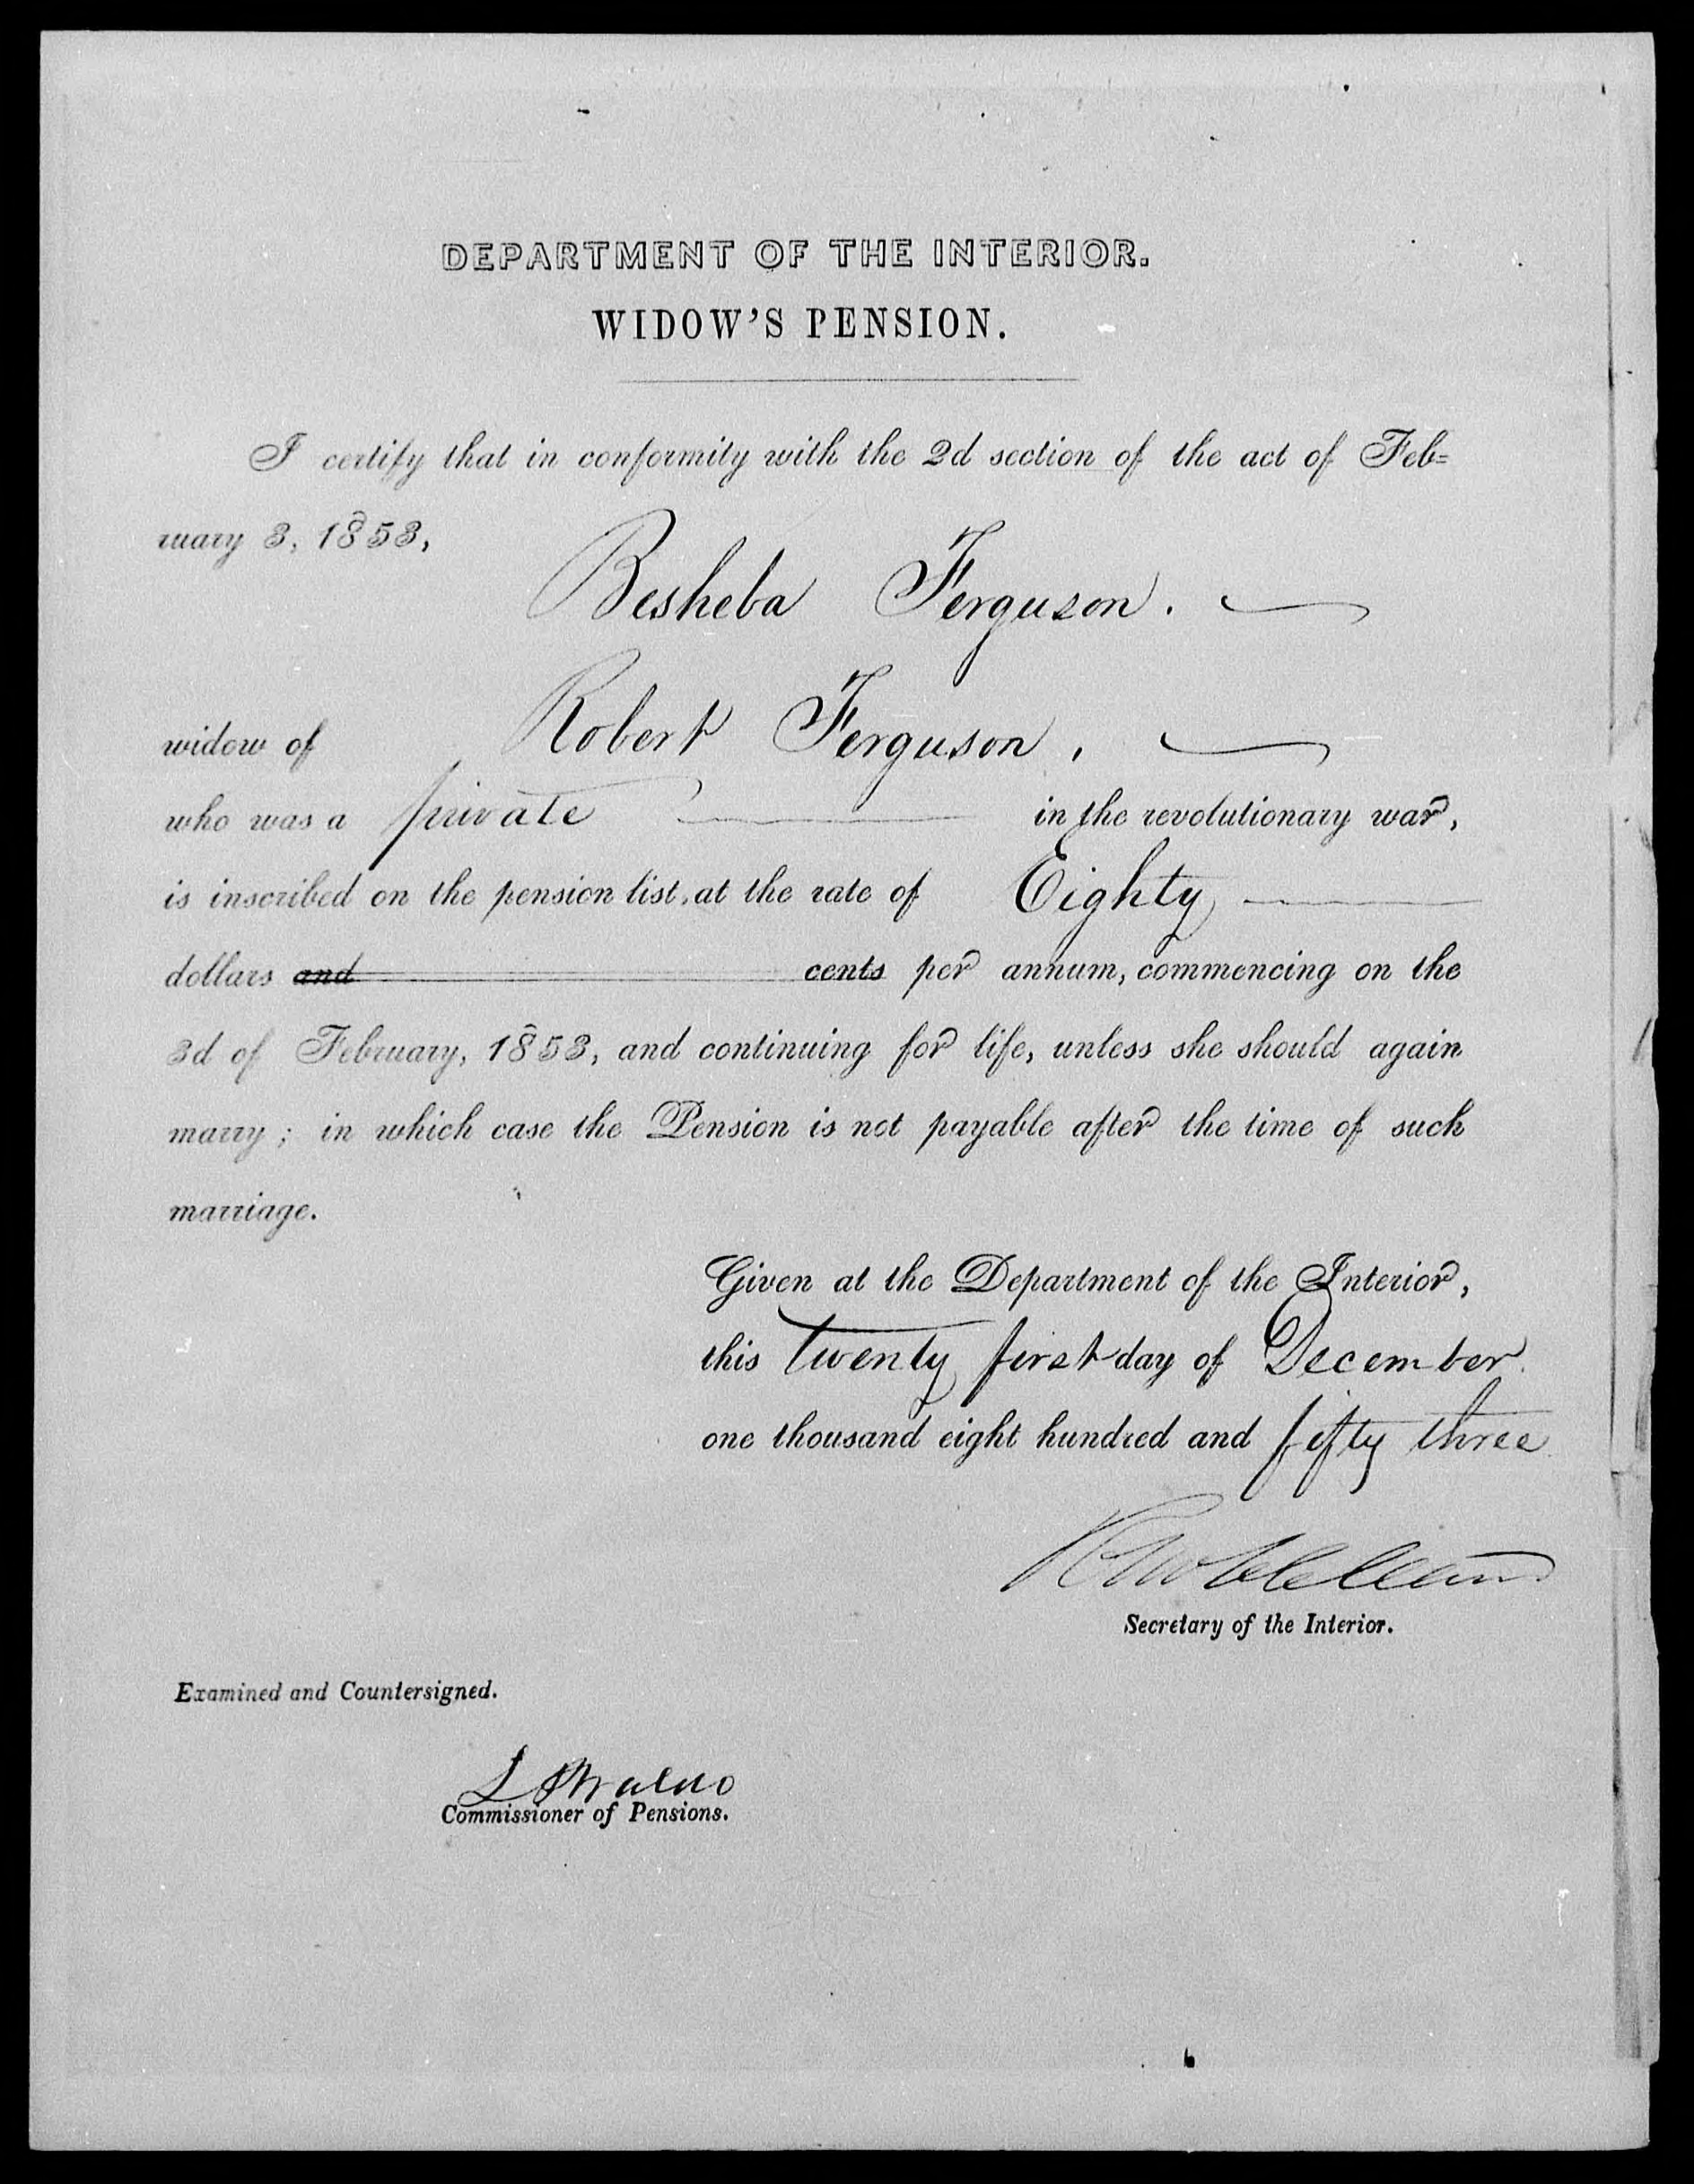Department of the Interior.
Widow's Pension.
I certify that in conformity with the 2d section of the act of Febraury 3 1853, Besheba Ferguson widow of Robert Ferguson, who was a private in the revolutionary war is inscribed on the pension list at hte rate of Eighty dollars and cents per anuum, commencing on the 3d of Bebruary, 1853 and continuing for life, unless she should again marry; in which case the Pension is not payable after the time of such marriage.
Given at the Department of the Interior, this twenty first day of December one thousand eight hundred fifty three.
RW Clelland
Secretary of the Interior.
Examined and Countersigned
LP Waldo
Commissioner of Pensions.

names: R W Clelland, L P Waldo, Besheba Ferguson, Robert Ferguson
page: 53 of 81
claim: widow's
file: W. 7262, Robert Ferguson, Va.